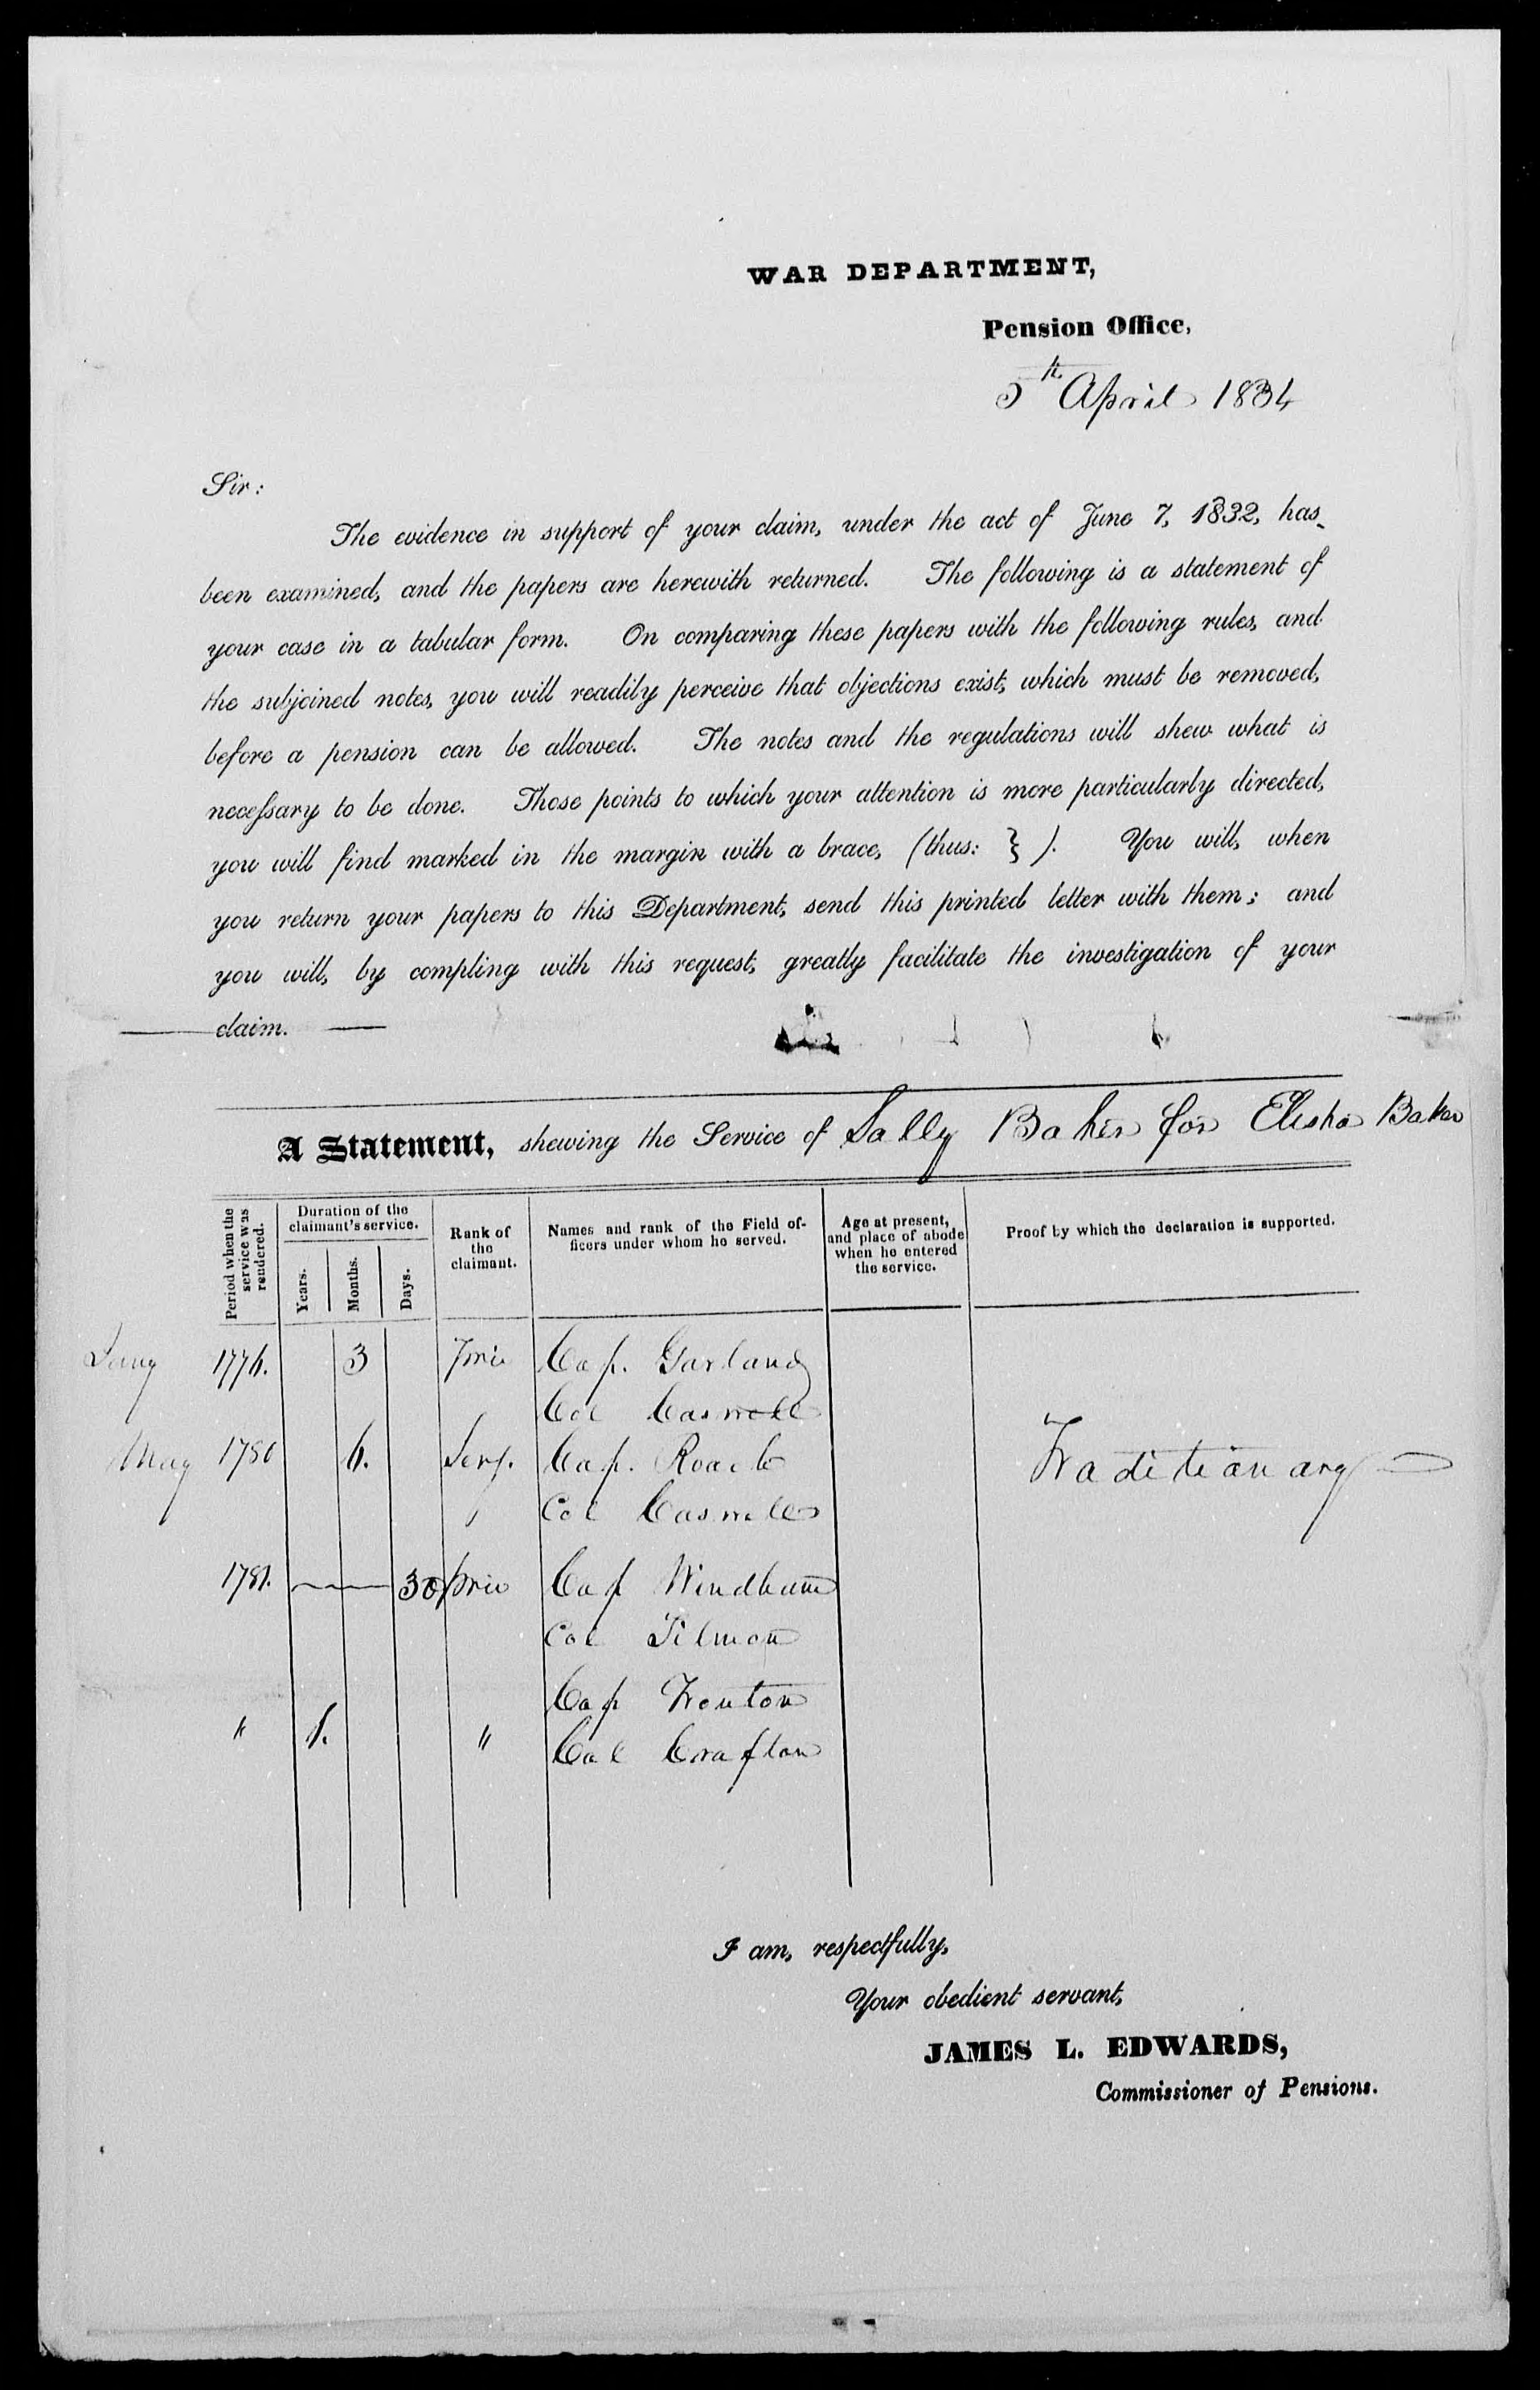WAR DEPARTMENT
Pension Office, 
5th April 1834
Sir: 
The evidence in support of your claim, under the act of June 7, 1832, has been examined, and the papers are herewith returned.  The following is a statement of your case in a tabular form.  On comparing these papers with the following rules and the subjoined notes, you will readily perceive that objections exist which must be removed, before a pension can be allowed.  The notes and the regulations will shew what is necessary to be done.  These points to which your attention is more particularly directed, you will find marked in the margin with a brace, (thus: }). You will, when you return your papers to this Department, send this printed letter with them; and you will, by compling [complying] with this request, greatly facilitate the investigation of your claim. -
[Tabular form 6 columns]
A Statement, shewing the Service of Sally Baker for Elisha Baker
Period when the service was rendered
Duration of the claimant's service. Years. Months. Days. 
Rank of the claimant.
Names and rank of the Field officers under whom he served. 
Age at present and place of abode when he entered the service. 

Jany 1776. 3 months Priv.Capt Garland, [&] Col Caswell
 
May 1780. 6 months Serg.  Capt Roach [&] Col Caswell

1787. 38 days/ Priv.  Capt Windham [&] Col Tilmon

1787.  1. year Priv.   Capt Trouton [7]  Col Crafton

Proof by which the declaration is supported  Traditionary

I am respectfully, Your obedient servant
JAMES L. EDWARDS,
Commissioner of Pensions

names: Trouton, Garland, Elisha Baker, Sally Baker, Windham, Crafton, Tilmon, Roach, Caswell, Caswell, James L Edwards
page: 7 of 22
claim: rejected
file: R. 411, Elisha Baker, N.C.